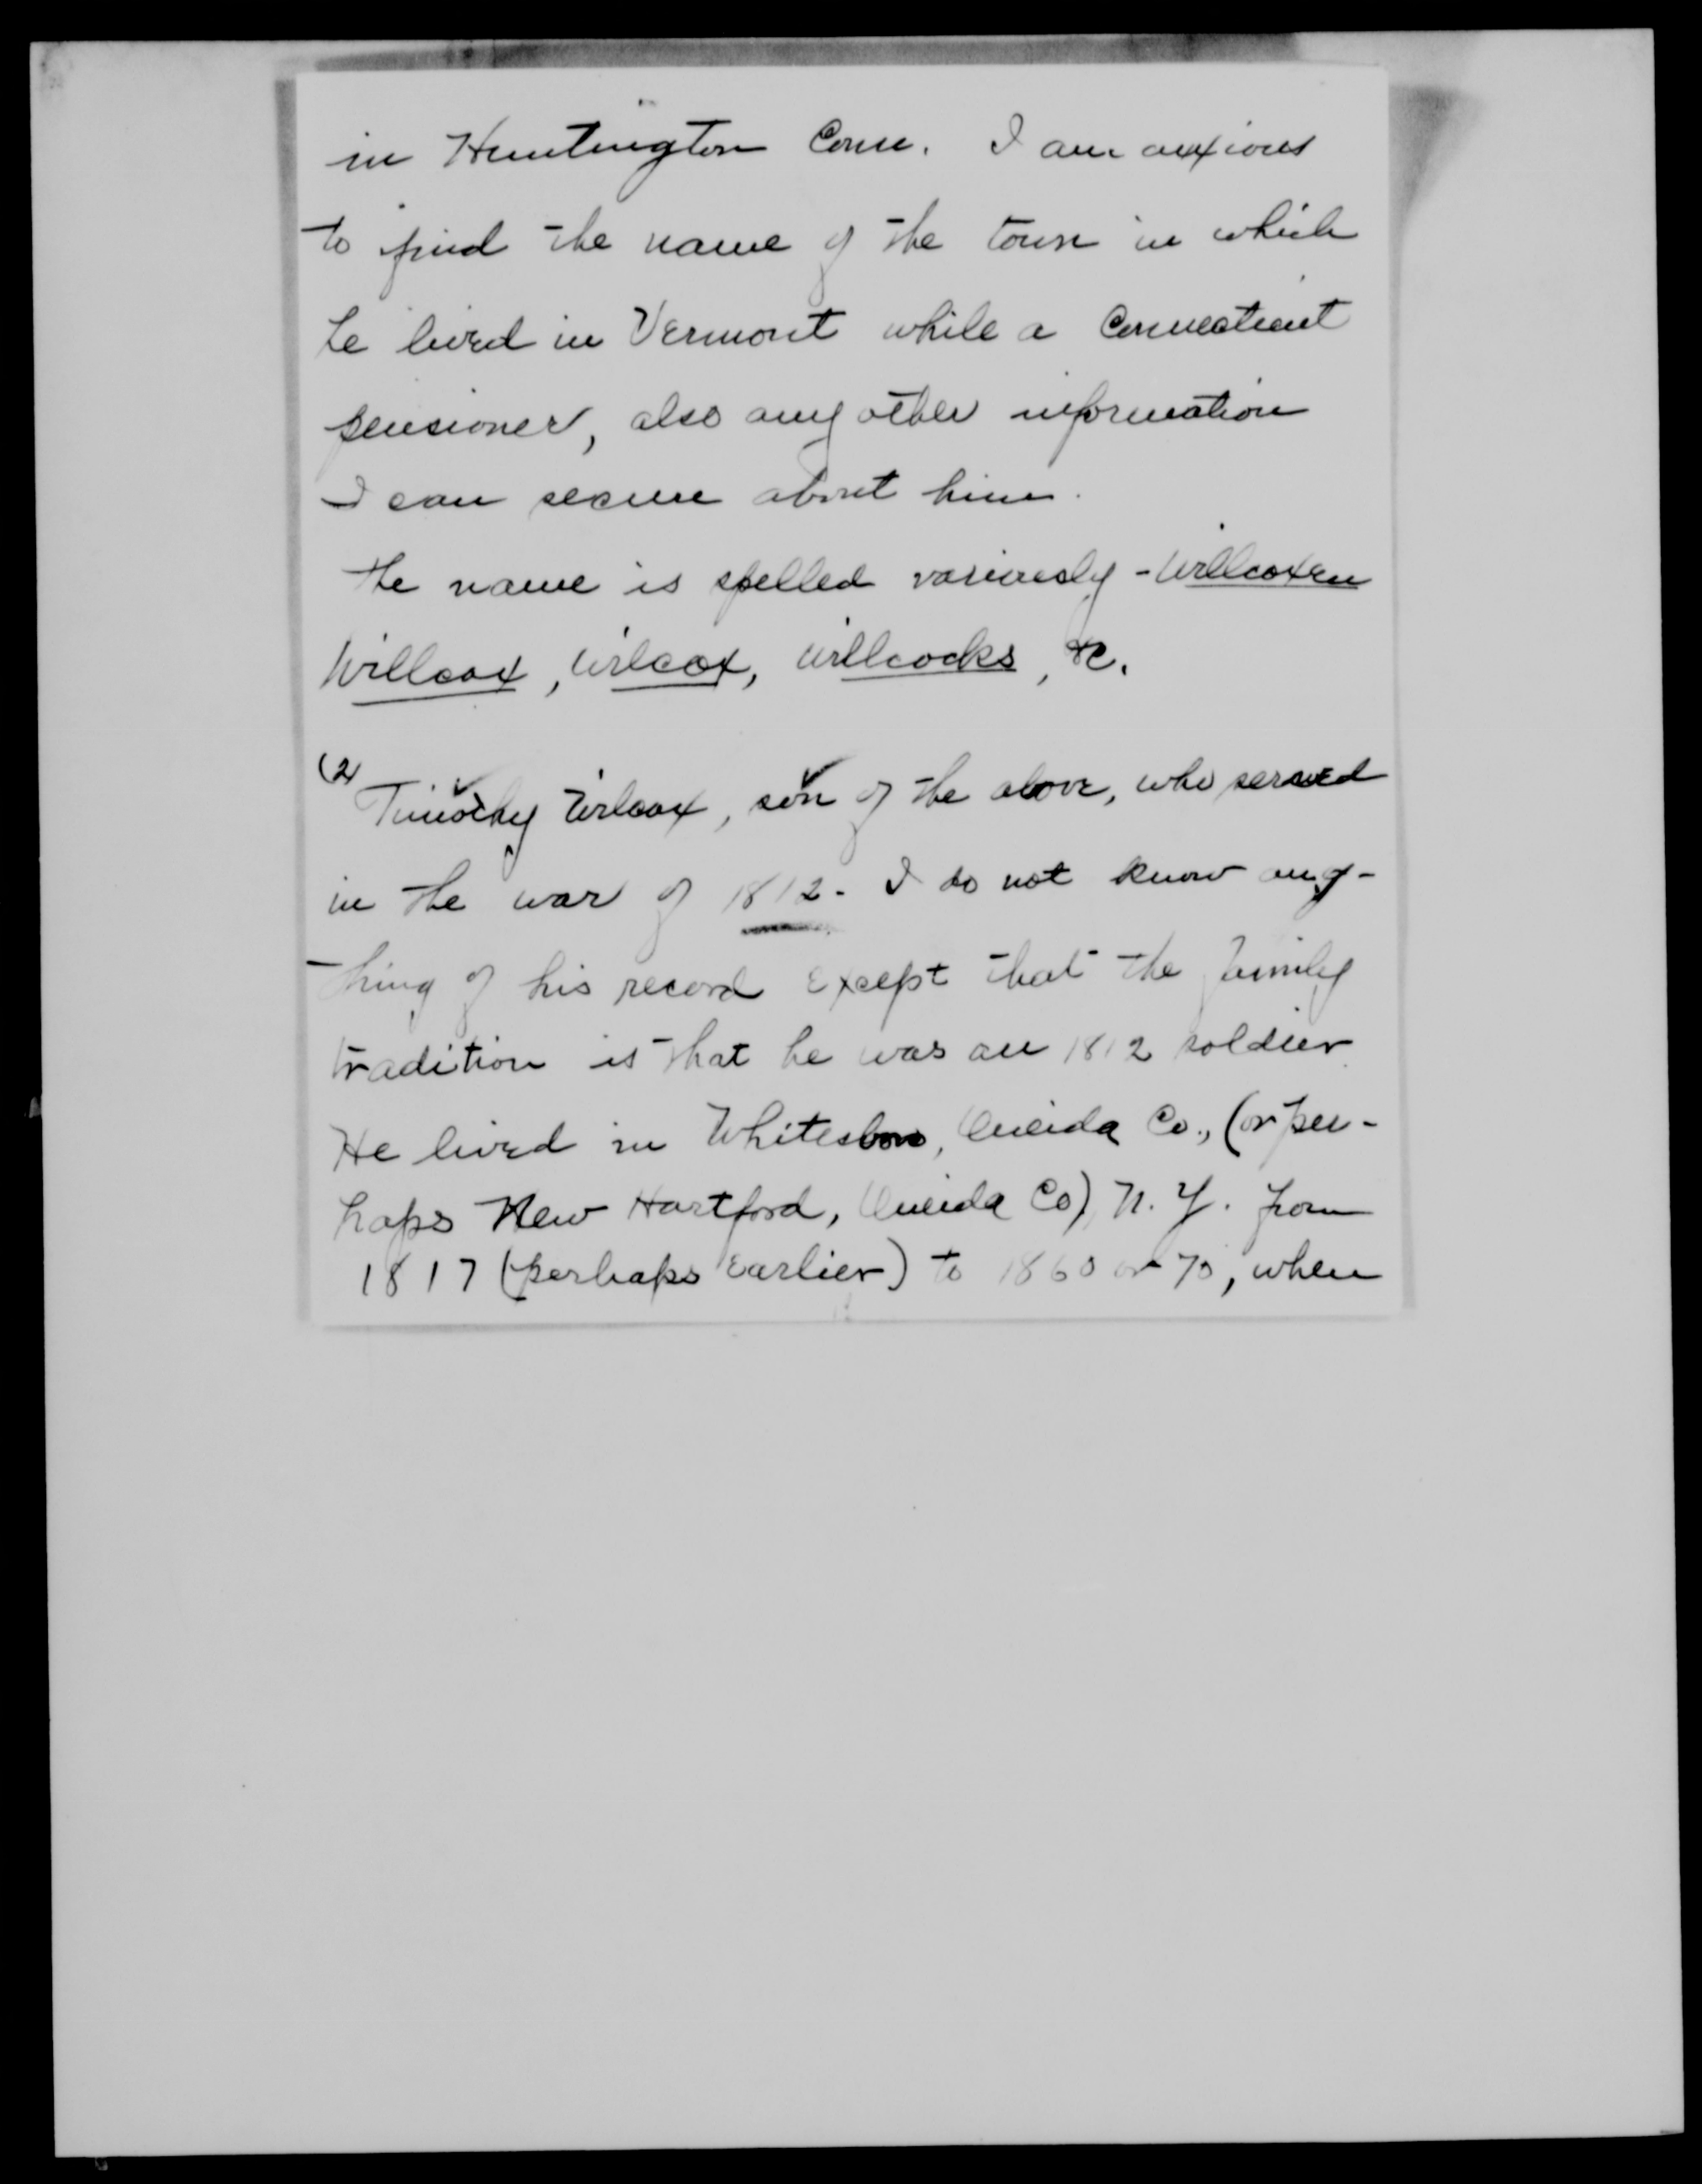in Huntington Conn. I am anxious
to find the name of the town in which
he lived in Vermont while a Connecticut
pensioners, also any other information
I can secure about him
the name is spelled variously-Willcoxen
Willcox, Wilcox, Willcocks, &c.

Timothy Wilcox, son of the above, who served
in the war of 1812. I do not know any-
thing of his record except that the family
tradition is that he was all 1812 Soldier
He lived in Whitesboro, Oneida Co. (or perhaps
New Hartford, Oneida Co. N.Y. from
1817 (perhaps Earlier) to 1860 or 70, where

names: Willcocks, Timothy Wilcox, Willcoxen, Willcox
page: 11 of 15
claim: survivor's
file: S. 41336, Timothy Willcox, Conn. Continental